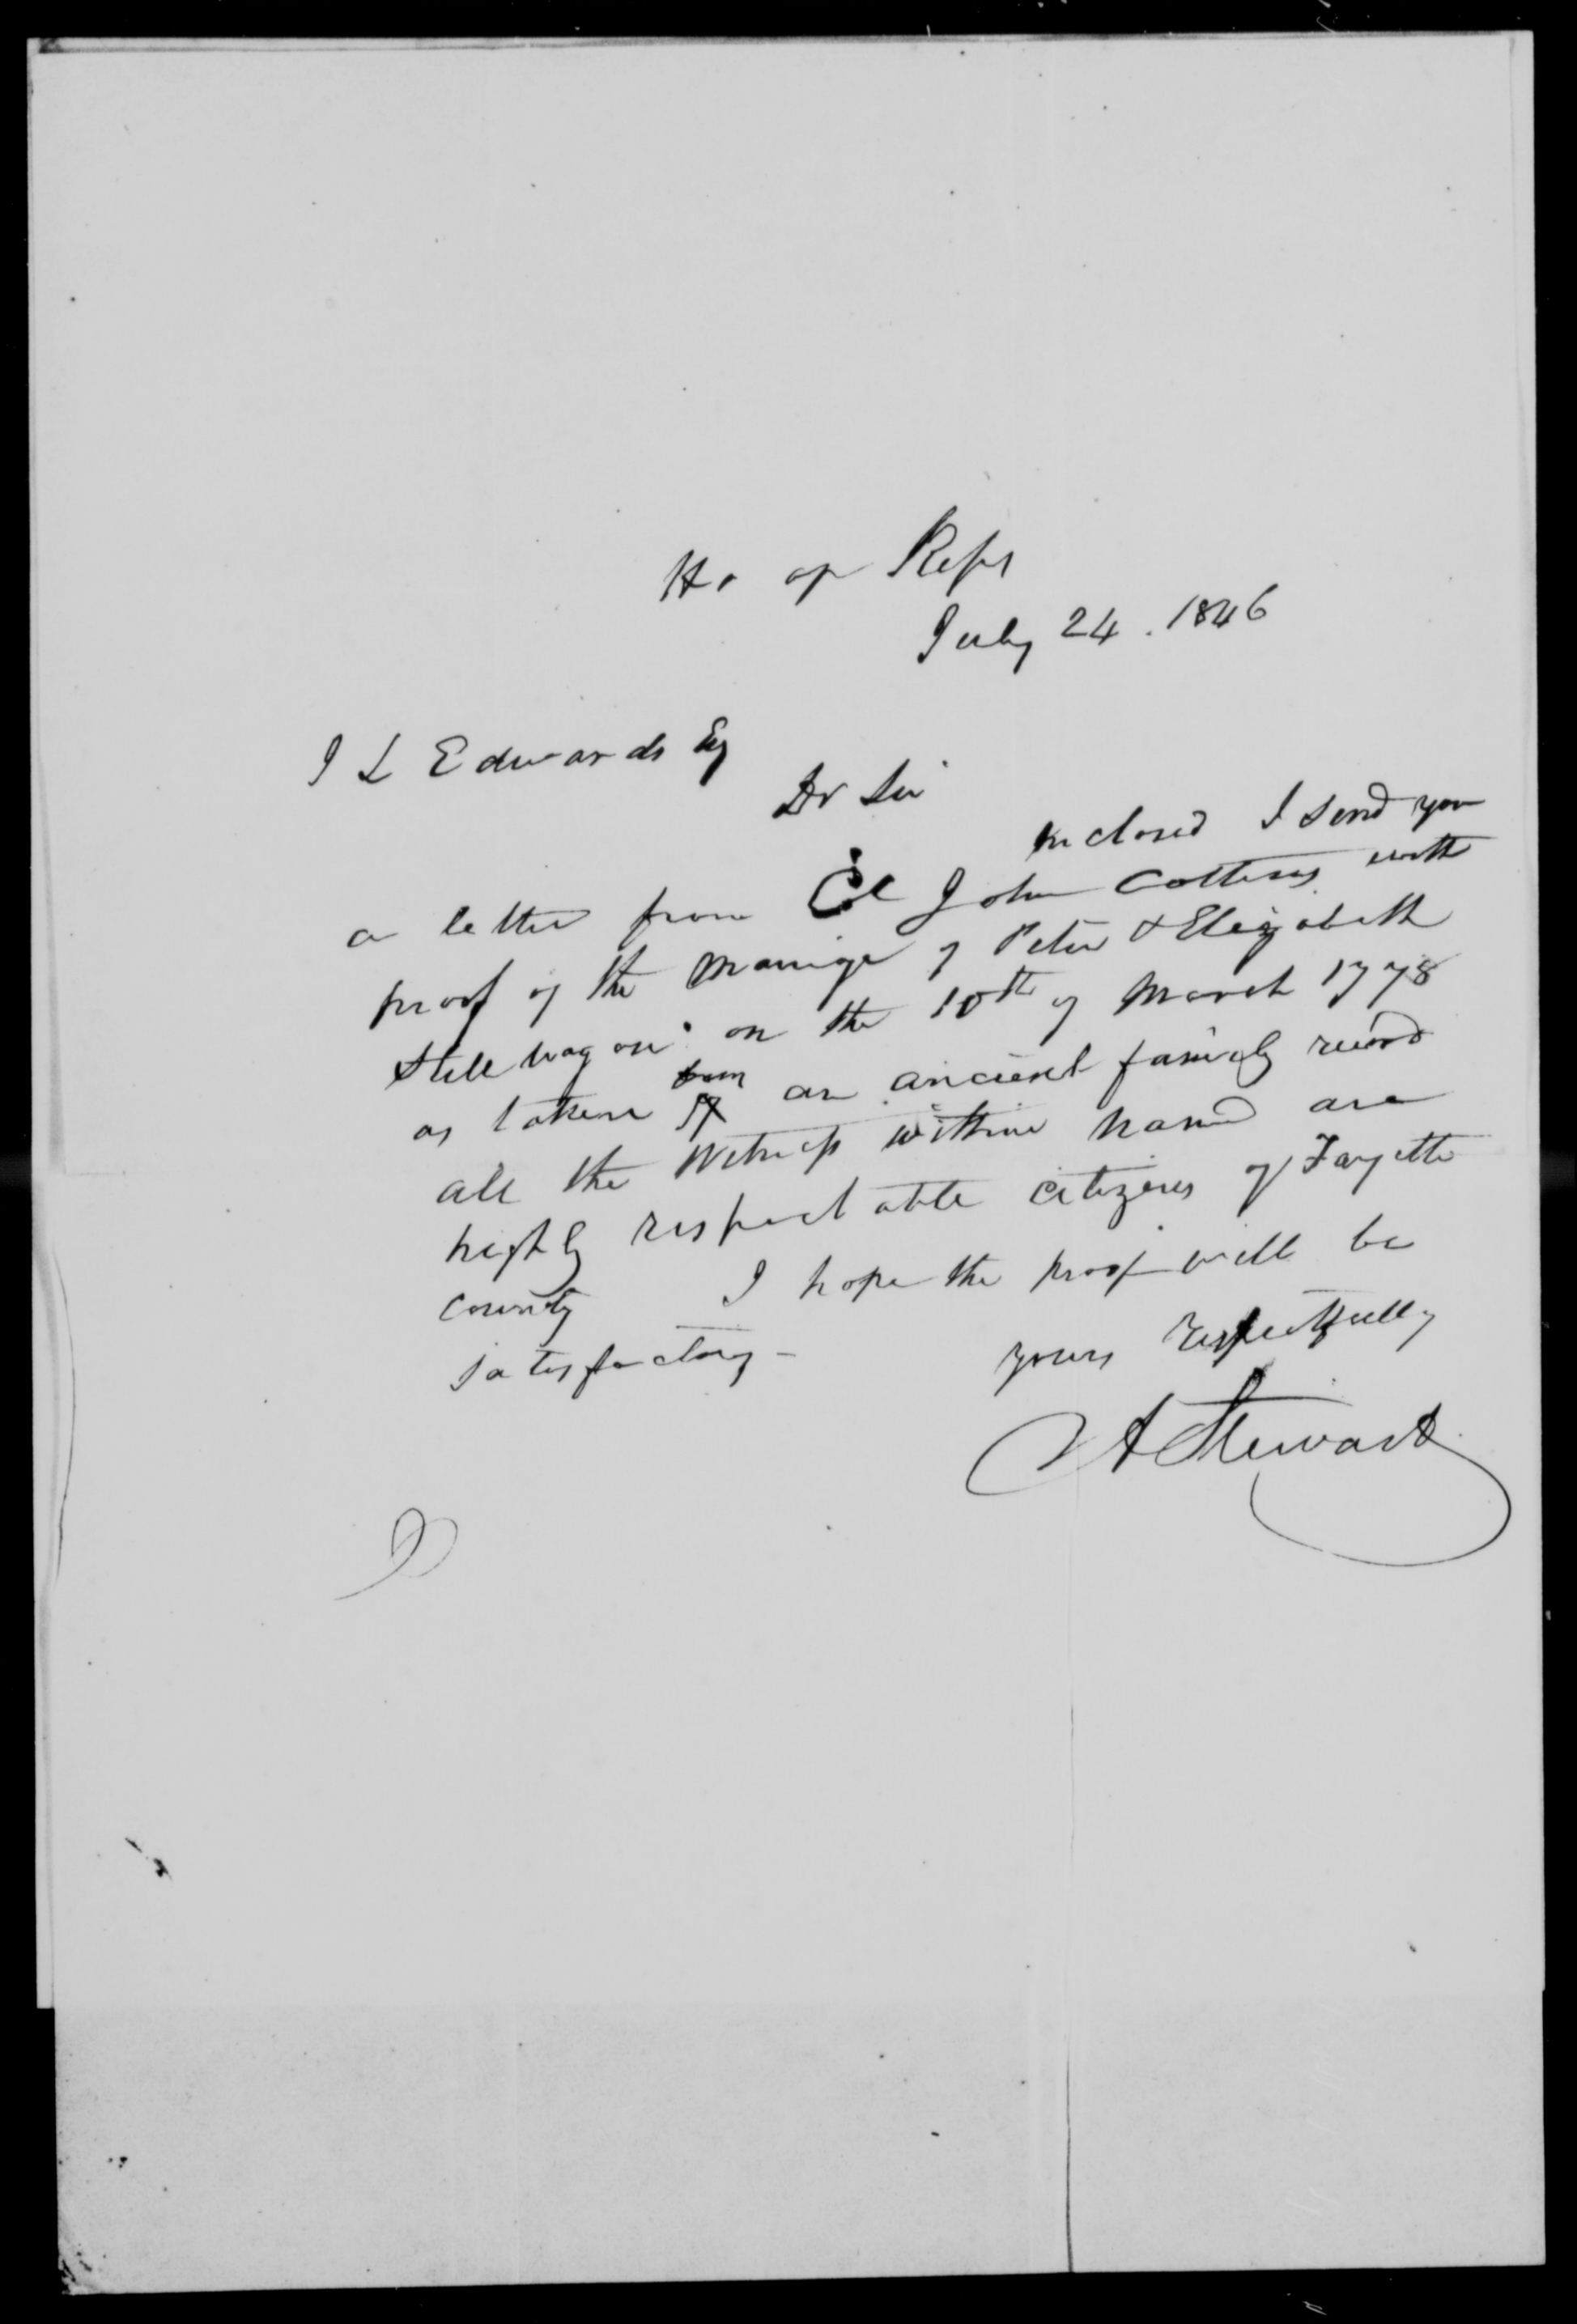Ho[use] of Reps
July 24, 1846

J. L. Edwards, Esq.

Dr Sir

Enclosed I send you a letter from Col. John Collins with proof of the marriage of Peter & Elizabeth Stillwagon on the 10th of March 1778 or later from an ancient family record all the [illegible] within name are highly respectable citizens of Fayette County. I hope the proof will be satisfactory.

Yours respectfully
A Stewart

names: Peter Stillwagon; John Collins; A Stewart; J L Edwards; Elizabeth Stillwagon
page: 54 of 73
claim: widow's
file: W. 3197, for Peter Stillwagon, New Jersey